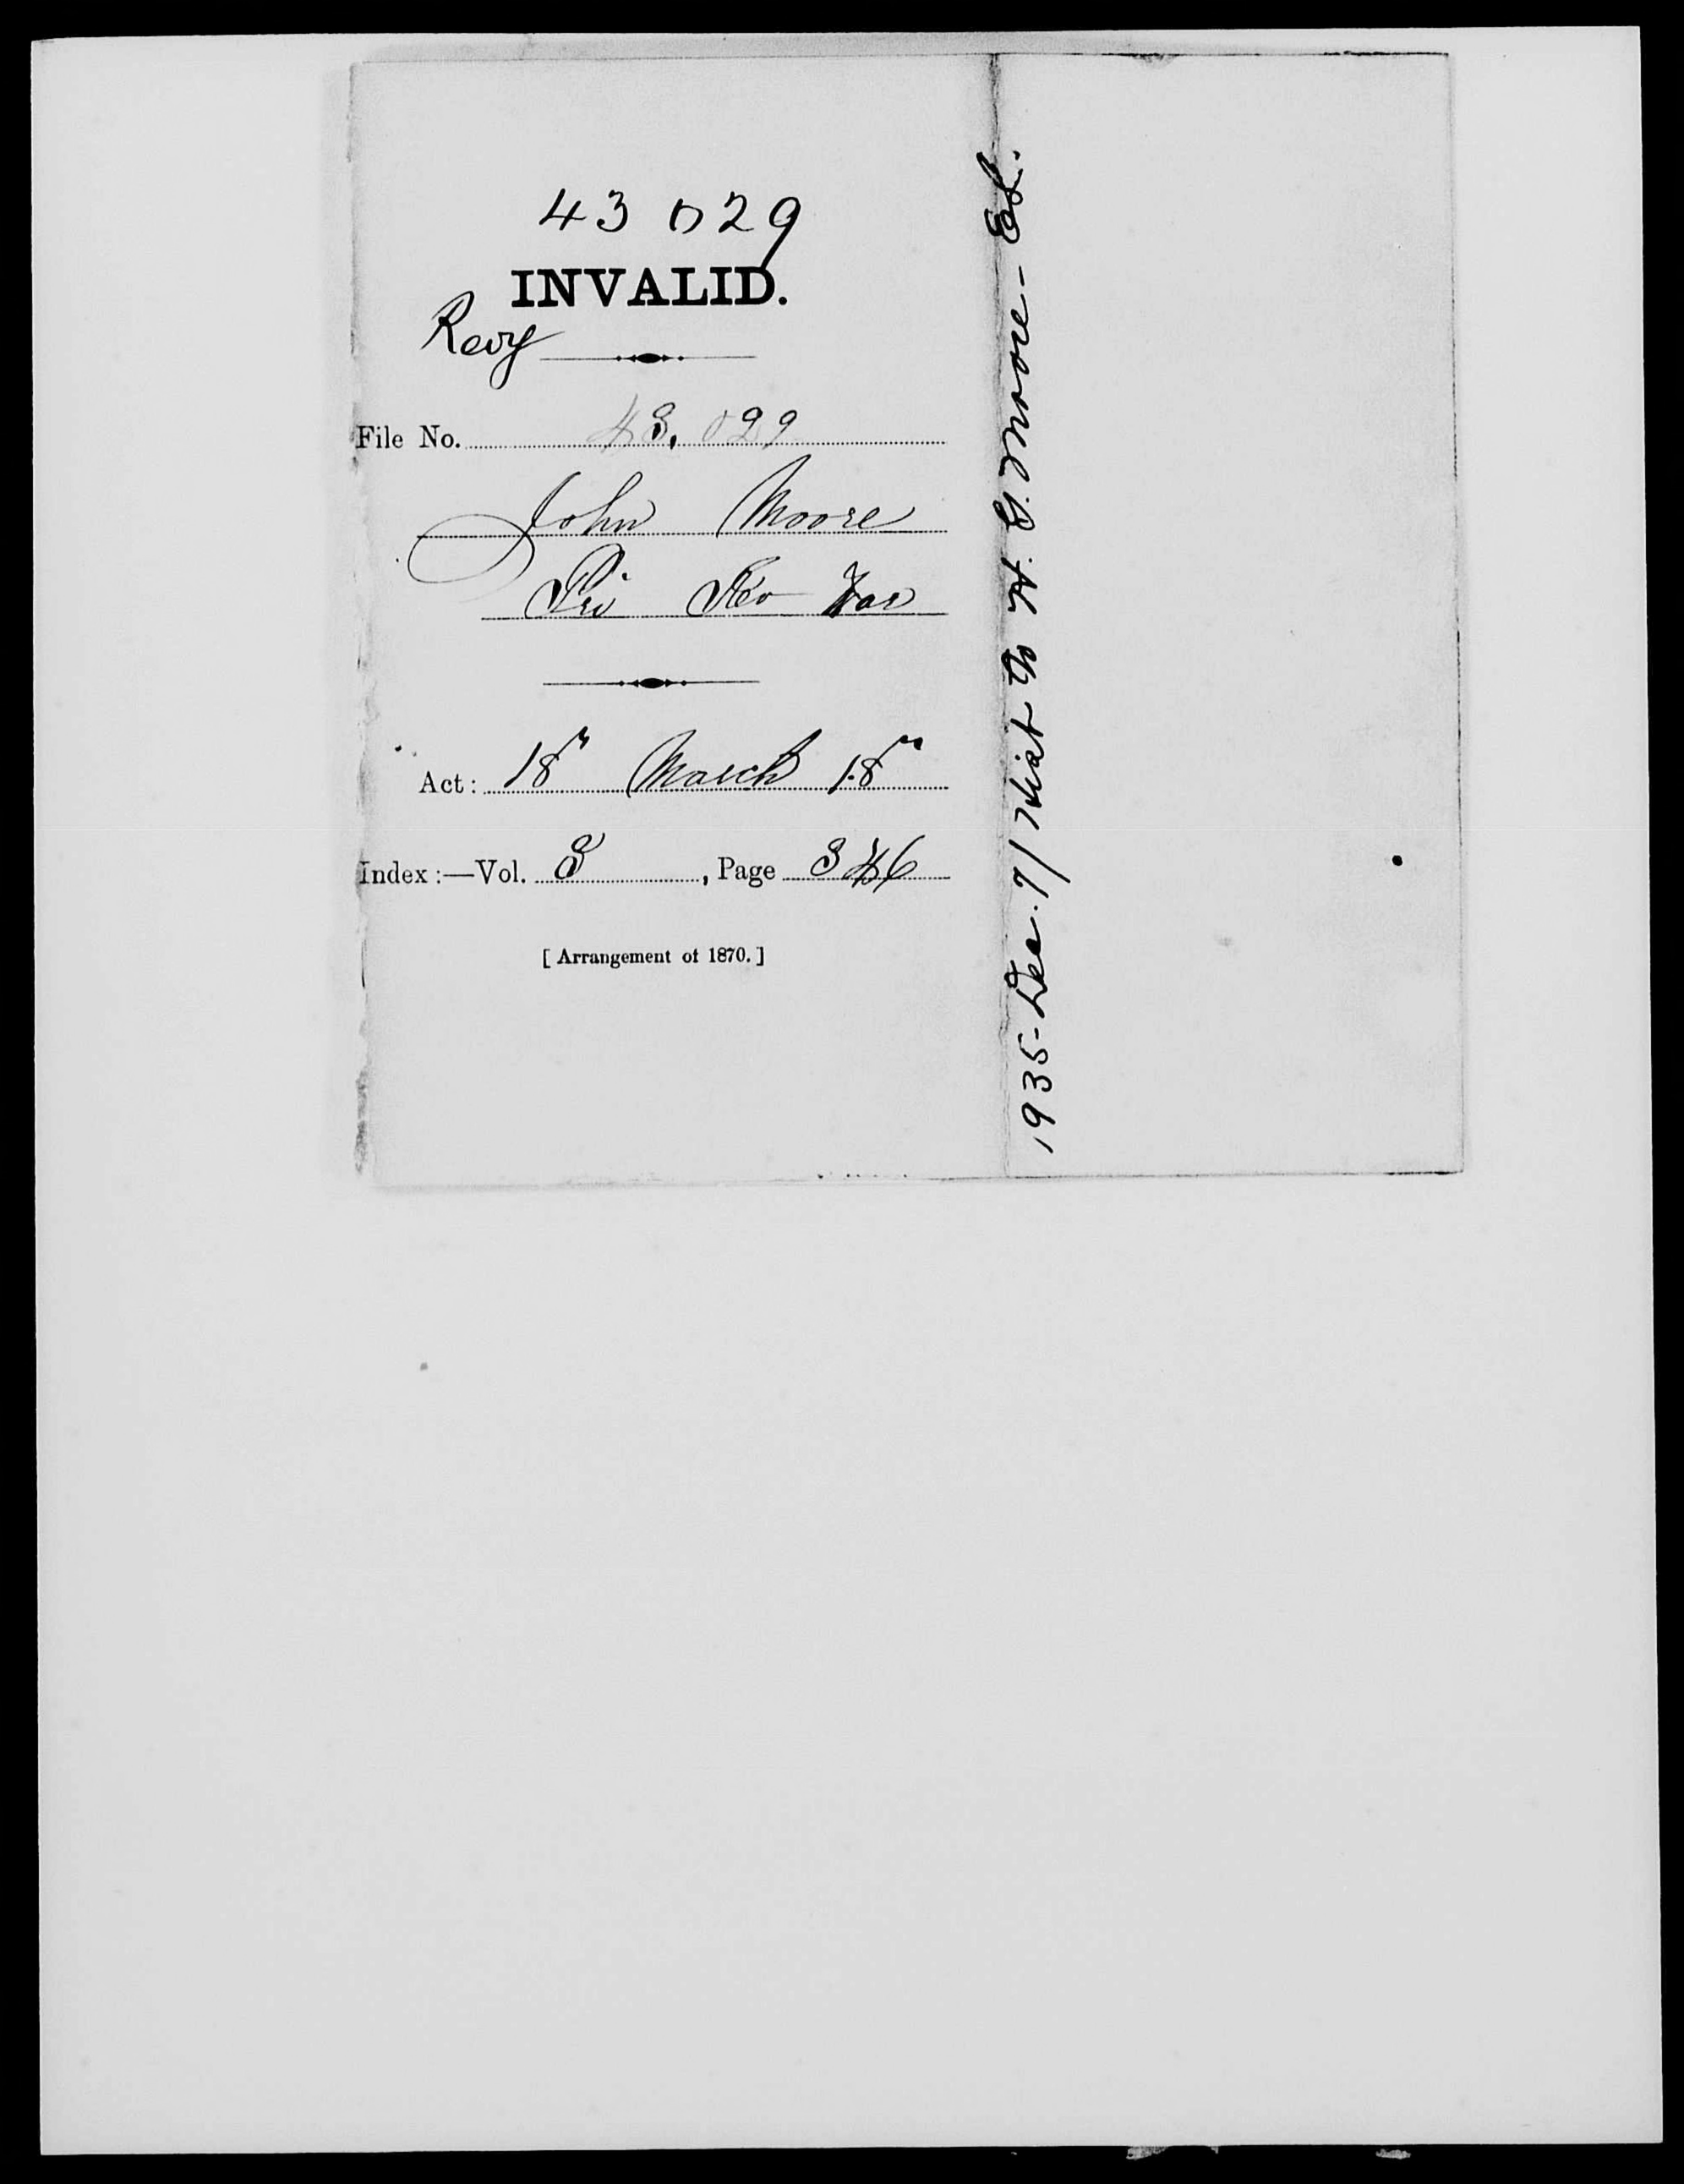43 029 
INVALID. Revy
File No. 43,029
John Moore 
Pri Rev War

Act: 18th March 18 
Index: -- Vol.  3 , Page 346 
[Arrangement of 1870.] 

1935. Dec. 7/  Hist to H. G. Moore – EL.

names: John Moore; H G Moore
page: 13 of 15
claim: survivor's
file: S. 43029, for John Moore, New York